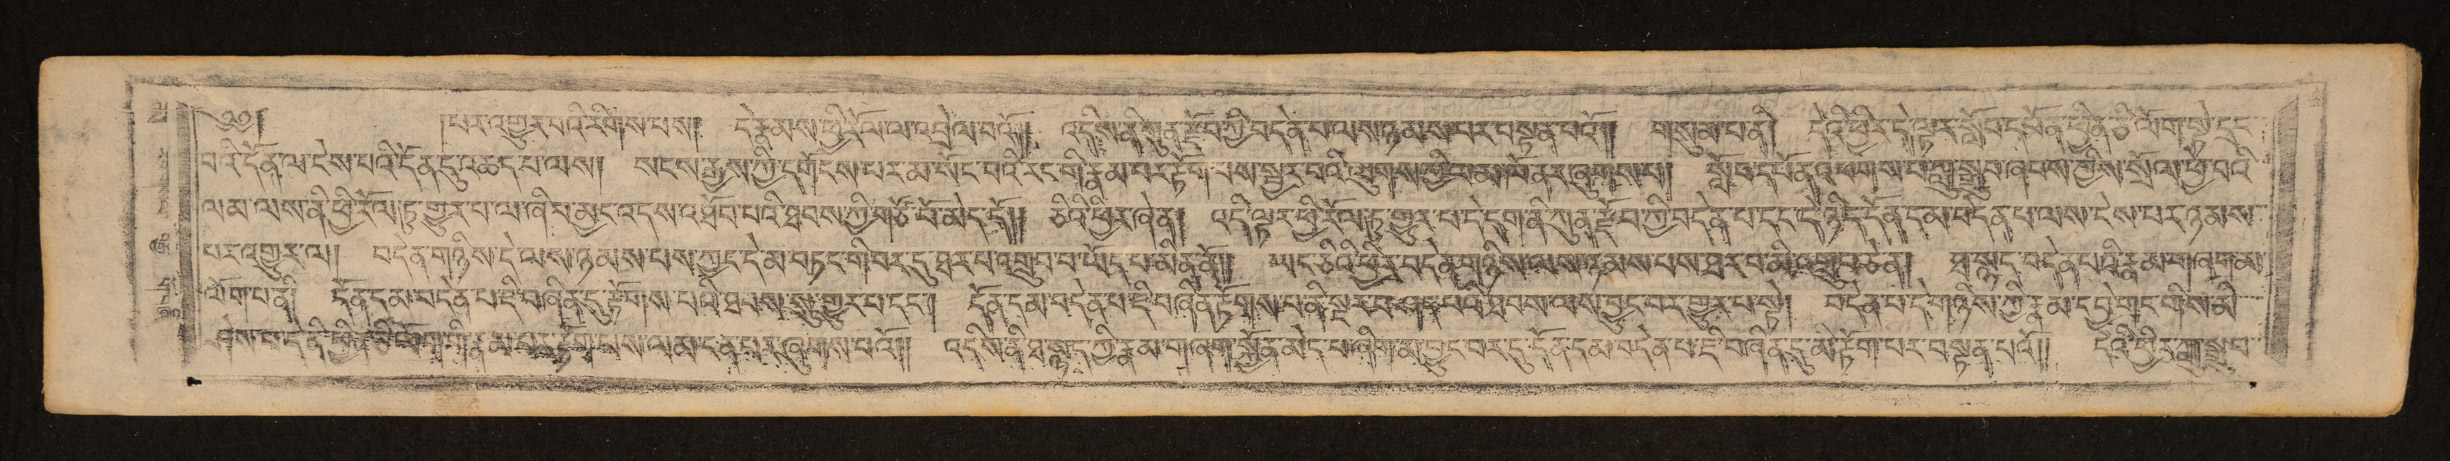༄༅། །པར་འགྱུར་བའི་རིགས་པས། དེ་རྣམས་ཕྱི་རོལ་ལ་འབྲེལ་བའོ།། འདིས་ནི་ཀུན་རྫོབ་ཀྱི་བདེན་པ་ལས་ཉམས་པར་བསྟན་པའོ།། གསུམ་པ་ནི། དེའི་ཕྱིར་དེ་ལྟར་སློབ་དཔོན་ཕྱིན་ཅི་ལོག་སྟེ་དྲང་
བའི་དོན་ལ་ངེས་པའི་དོན་དུ་འཆད་པ་ལས། སངས་རྒྱས་ཀྱི་དགོངས་པར་མ་སོང་བའི་རང་གི་རྣམ་པར་རྟོག་པས་སྦྱར་བའི་ལུགས་ཀྱི་ལམ་ཁོ་ནར་ཞུགས་པ། སློབ་དཔོན་འཕགས་པ་ཀླུ་སྒྲུབ་ཞབས་ཀྱིས་སྲོལ་ཕྱེ་བའི་
ལམ་ལས་ནི་ཕྱི་རོལ་ཏུ་གྱུར་པ་ལ་ཞི་བ་མྱང་འདས་འཐོབ་པའི་ཐབས་ཀྱི་གཙོ་བོ་མེད་དོ།། ཅིའི་ཕྱིར་ཞེ་ན། འདི་ལྟར་ཕྱི་རོལ་ཏུ་གྱུར་པ་དེ་དག་ནི་ཀུན་རྫོབ་ཀྱི་བདེན་པ་དང་དེ་ཉིད་དོན་དམ་བདེན་པ་ལས་ངེས་པར་ཉམས་
པར་འགྱུར་ལ། བདེན་གཉིས་དེ་ལས་ཉམས་པས་ཀྱང་དེ་མ་བཏང་གི་བར་དུ་ཐར་པ་འགྲུབ་པ་ཡོད་པ་མིན་ནོ།། ཡང་ཅིའི་ཕྱིར་བདེན་གཉིས་ལས་ཉམས་པས་ཐར་པ་མི་འགྲུབ་ཅེ་ན། ཐ་སྙད་བདེན་པའི་རྣམ་གཞག་མ་
ལོག་པ་ནི། དོན་དམ་བདེན་པ་ཇི་བཞིན་དུ་རྟོགས་པའི་ཐབས་སུ་གྱུར་པ་དང་། དོན་དམ་བདེན་པ་ཇི་བཞིན་རྟོགས་པ་ནི་སྔར་བཤད་པའི་ཐབས་ལས་བྱུང་བར་གྱུར་པ་སྟེ། བདེན་པ་དེ་གཉིས་ཀྱི་རྣམ་དབྱེ་གང་གིས་མི་
ཤེས་པ་དེ་ནི་ཕྱིན་ཅི་ལོག་གི་རྣམ་པར་རྟོག་པས་ལམ་ངན་པར་ཞུགས་པའོ།། འདིས་ནི་ཐ་སྙད་ཀྱི་རྣམ་གཞག་སྐྱོན་མེད་པ་ཞིག་མ་བྱུང་བར་དུ་དོན་དམ་བདེན་པ་ཇི་བཞིན་དུ་མི་རྟོག་པར་བསྟན་པའོ།། དེའི་ཕྱིར་ཀླུ་སྒྲུབ་